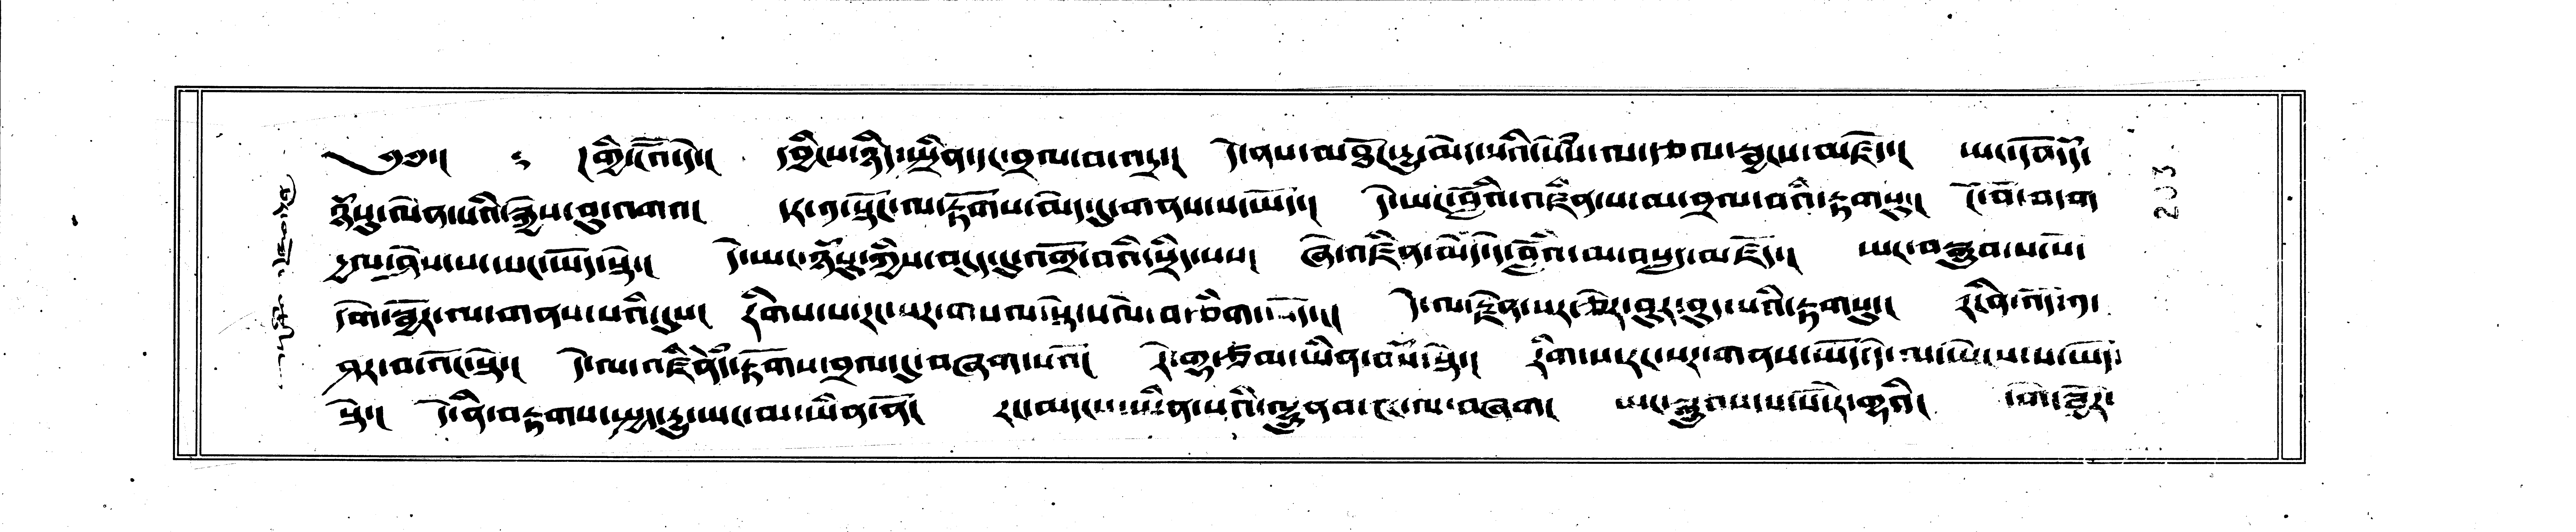གྱི་ངོའོ་དེ། དབྱིངས་ཉིད་སྤྲིན་དང་བྲལ་བ་འདྲ། དེ་ནས་མཐོང་རྒྱུ་མེད་པའི་སེམས་ལ་རྩལ་སྦྱངས་མཛོད། ཡང་
ཉམས་སུ་ལེན་པའི་སྐྱེས་བུ་གྷས་(འགས)། དར་ཅིག་སྟོང་ལ་རྟོག་མེད་དུ་གནས་པ་ཡོད། དེ་ཡང་བློའི་འཛིན་པ་དང་མ་བྲལ་བའི་རྟགས་སུ། ངོའོ་བདག་
རྒྱལ་གྱི་ཤེས་པ་ཡང་ཡོད་དེ། དེའང་ཉམས་ཀྱི་བདུད་དུ་འགྲོ་བར་སྲིད་པས། ཞེ་འཛིན་མེད་སྟེ་བློའི་མ་བསླད་མཛོད། ཡང་སྒྲུབ་པ་པོ་
དགེ་སྦྱོར་ལ་གནས་པའི་དུས། རིག་པ་རང་སར་གསལ་ཏེ་སལེ་བ་ཅིག་ཡོད། དེ་ལ་རིག་པ་རྗེན་གཅེར་ཤིག་བུད་པའི་རྟགས་སུ། རང་ན་་འོད་
ཤར་བ་འོང་སྟེ། དེ་ནི་འཛིན་མེད་རྟོས་༼རྟོག༽བྲལ་དུ་བཞག་པས་ཆོག རེས་གྷ་(འགའ)ཅི་ཡིན་བསམ་ཏེ། རིག་པ་རང་གསལ་གནས་བདོ་དེ་ལ་ཡེང་ས་ཡོད་
དེ། དེ་ནི་རྟགས་དཔྱད་རྒྱུ་ཡང་མ་ཡིན། རང་དང་ཡིན་པ་ལྷུན་གྲུབ་ངང་ལ་བཞག ཡང་སྒྲུབ་པ་པོ་རེ་གྷས་(འགས)། དགེ་སྦྱོར་